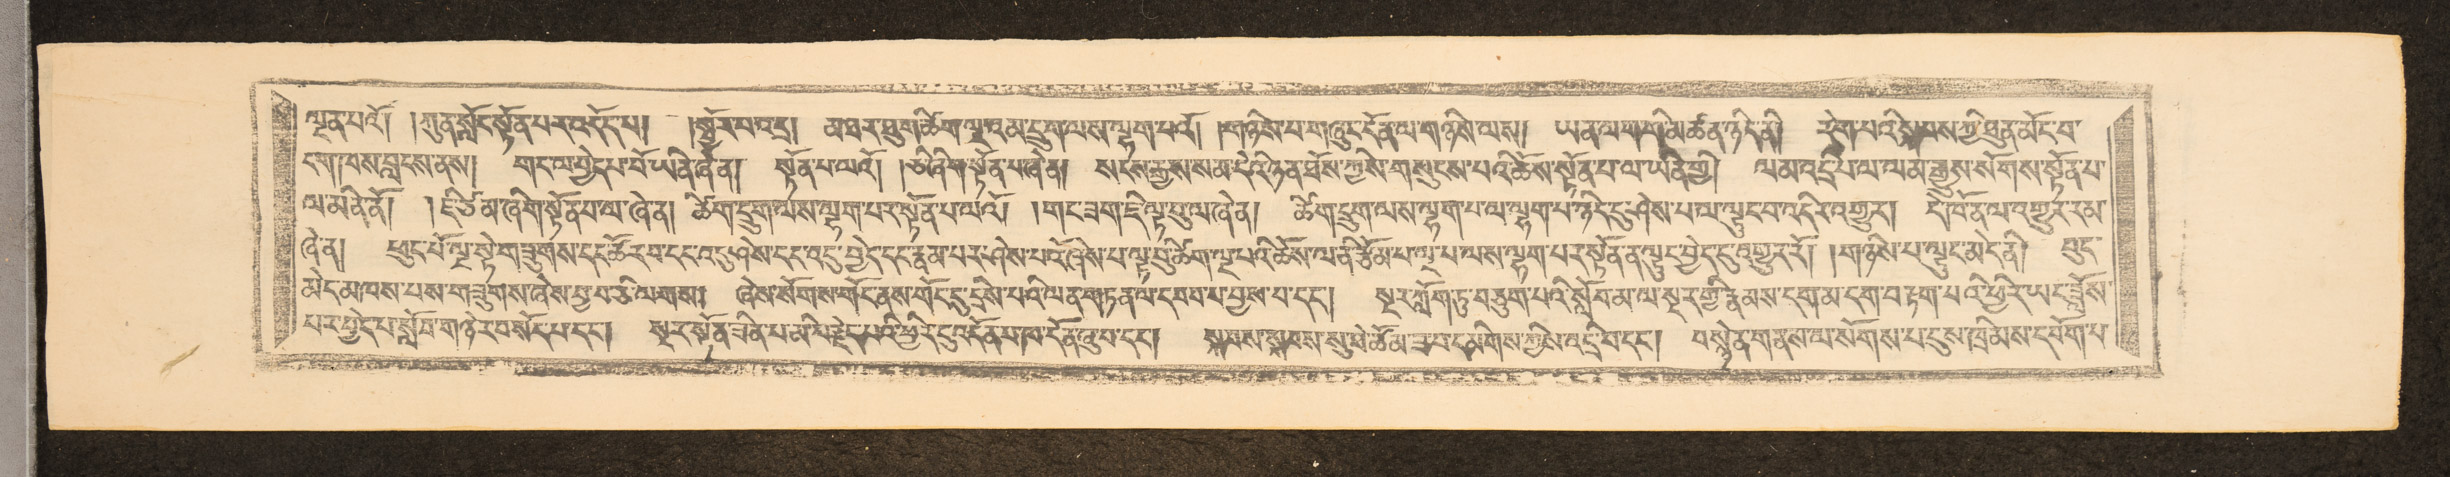ལྡན་པའོ། །ཀུན་སློང་སྟོན་པར་འདོད་པའོ། །སྤྱོར་བ་འདྲ། མཐར་ཐུག་ཚིག་ལྔ་འམ་དྲུག་ལས་ལྷག་བའོ། །གཉིས་པ་གཞུང་དོན་ལ་གཉིས་ལས། ཡན་ལག་གི་མཚན་ཉིད་ནི། རེག་བའི་སྐབས་ཀྱི་ཐུན་མོང་བ་
དག་ཁས་བླ་དས་ནས། གང་ལ་བྱེད་པ་བོ་ཡིན་ཞེ་ན། སྟོན་པ་ལའོ། །ཅི་ཞིག་སྟོན་པ་ཞེ་ན། སངས་རྒྱས་སམ་དེའི་ཉན་ཐོས་ཀྱིས་གསུགནས་པའི་ཆོས་སྟོན་པ་ལ་ཡིན་གྱི། ལམ་འདྲི་བ་ལ་ལམ་རྒྱུས་སོགས་སྟོན་པ་
ལ་མིན་ནོ། །ཇི་ཙམ་ཞིག་སྟོན་པ་ལ་ཞེ་ན། ཚིག་དྲུག་ལས་ལྷག་པར་སྟོན་པ་ལའོ། །གང་ཟག་ཇི་ལྟ་བུ་ལ་ཞེ་ན། ཚིག་དྲུག་ལས་ལྷག་པ་ལ་ལྷག་པ་ཉིད་དུ་ཤེས་པ་ལ་ལྟུང་བ་འདིར་འགྱུར། དེ་ཁོ་ན་ལ་འགྱུར་རམ་
ཞེ་ན། ཕུད་པོ་ལྔ་སྟེ་གཟུགས་དང་ཚོར་བ་དང་འདུ་ཤེས་དང་འདུ་བྱེད་དང་རྣམ་པར་ཤེས་པའོ་ཞེས་པ་ལྟ་བུ་ཚིག་ལྔ་པའི་ཆོས་ལ་ནི་རྩོམ་པ་ལྔ་པ་ལས་ལྷག་པར་སྟོན་ན་ལྟུང་བྱེད་དུ་འགྱུར་རོ། །གཉིས་པ་ལྟུང་མེད་ནི། བུད་
མེད་མཁས་པས་གཟུགས་ཞེས་བྱ་བ་ཅི་ལགས། ཞེས་སོགས་གོང་ནས་གོང་དུ་དྲིས་པའི་ལན་གཏན་ལ་དབབ་པ་བྱས་པ་དང་། སྔར་ཀློག་ཏུ་བཅུག་པའི་སློབ་མ་ལ་སྔར་གྱི་རྣམས་དག་མ་དག་བརྟག་པའི་ཕྱིར་ཡང་ཟློས་
པར་བྱེད་པ་སློབ་གཉེར་བསོད་པ་དང་། སྔར་སྟོན་ཟིན་པ་མི་བརྗེད་པའི་ཕྱིར་དུ་འདོན་པ་ཁ་དོན་ཞུ་བ་དང་། སྐབས་སྐབས་སུ་ཐེ་ཚོམ་ཟ་བ་དམིགས་ཀྱིས་འདྲི་བ་དང་། བསྙེན་གནས་ལ་སོགས་པ་དུས་ཁྲིམས་དབོག་པ་